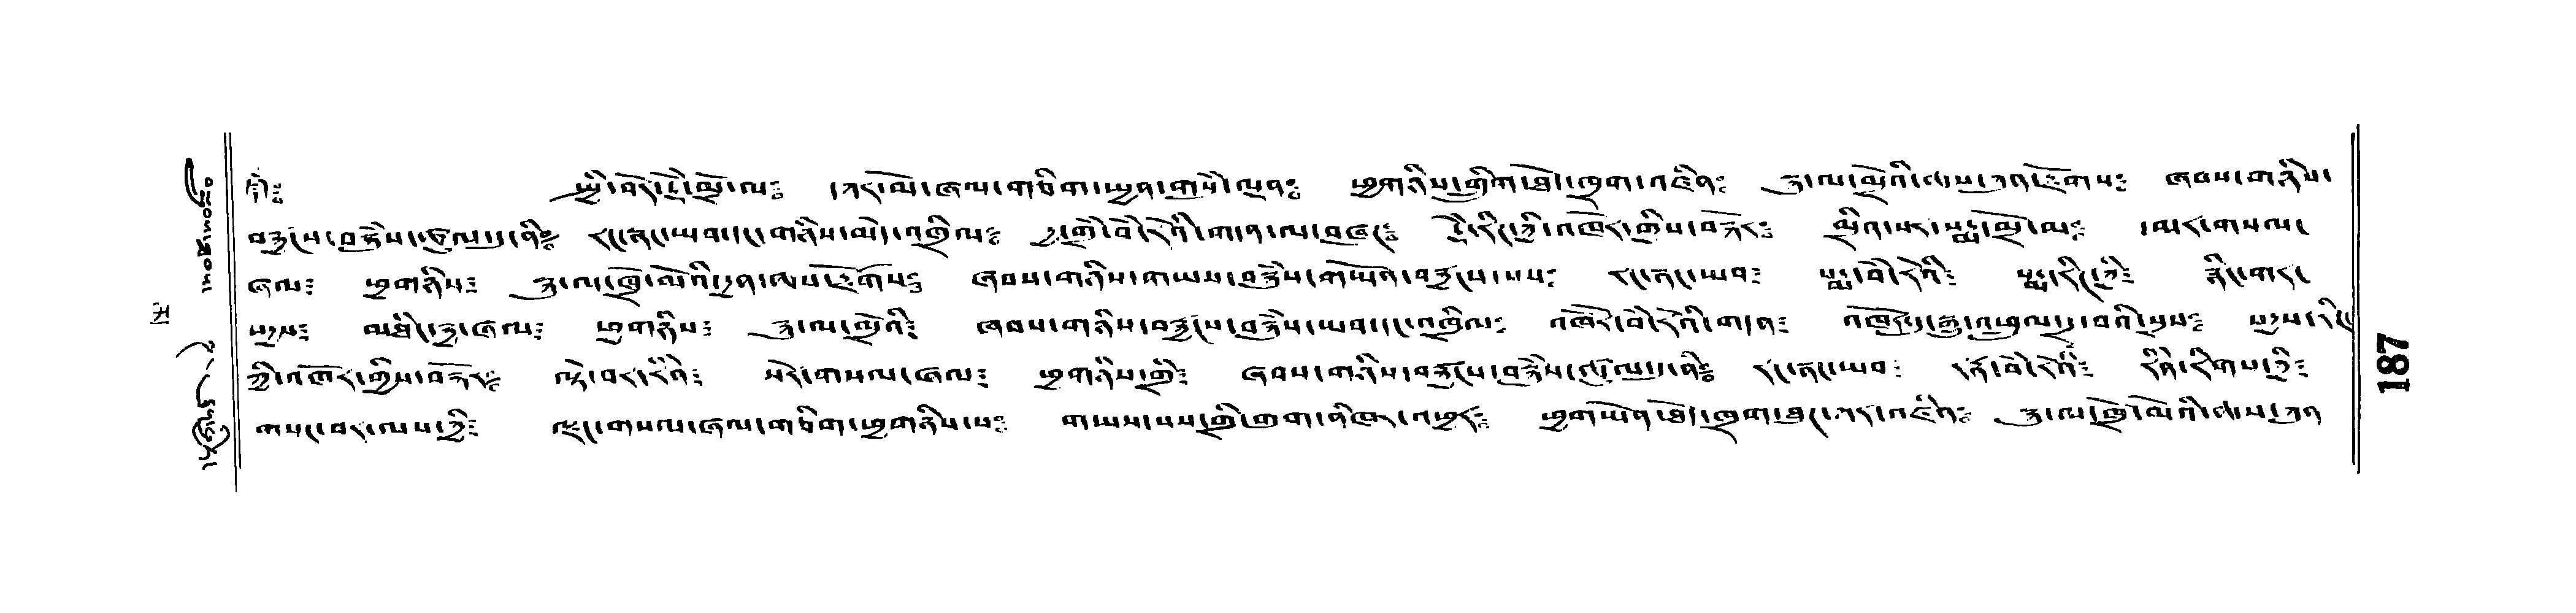སྤྱི་བོར་རྡོ་རྗེ་མཁའ་འགྲོ་མ༔ དཀར་མོ་ཞལ་གཅིག་སྤྱན་གསུམ་ལྡན༔ཕྱག་གཉིས་གྲི་གུག་ཐོད་ཁྲག་འཛིན༔ སྐུ་ལ་མཁའ་འགྲོའི་ཆས་ཀུན་རྫོགས༔ ཞབས་གཉིས་
བརྐྱང་བསྐུམ་ཚུལ་དུ་ནི༔ རང་སྣང་ཡབ་དང་གཉིས་མེད་འཁྲིལ༔ རྒྱ་གྲམ་བམ་རོའི་གདན་ལ་བཞུགས༔ རྡོ་རྗེ་རིགས་ཀྱི་འཁོར་གྱིས་བསྐོར༔ མགྲིན་པར་པདྨ་མཁའ་འགྲོ་མ༔ དམར་གསལ་
ཞལ༴ ཕྱག་གཉིས༴ སྐུ་ལ་ཁྲོ་མོའི་རྒྱན་ཆས་རྫོགས༔ ཞབས་གཉིས་གཡས་བསྐུམ་གཡོན་བརྐྱང་པས༔ རང་སྣང་ཡབ༴ པདྨ་བམ་རོའི༴ པདྨ་རིགས་ཀྱི༴ སྙིང་གར་
སངས་རྒྱས༴ མཐིང་སྐྱ་ཞལ༴ ཕྱག་གཉིས༴ སྐུ་ལ་མཁའ་འགྲོའི༴ ཞབས་གཉིས་བརྐྱང་བསྐུམ་ཡབ་དང་འཁྲིལ༔ འཁོར་ལོ་བམ་རོའི་གདན༴ འཁོར་དུ་སྒྱུ་འཕྲུལ་དྲྭ་བའི་སྲས༔ སངས་རྒྱས་རིགས་
ཀྱི་འཁོར་གྱིས་བསྐོར༔ ལྟེ་བར་རིན་ཆེན༴ སེར་གསལ་ཞལ༴ ཕྱག་གཉིས་གྲི༴ ཞབས་གཉིས་བརྐྱང་བསྐུམ་ཚུལ་དུ་ནི༔ རང་སྣང་ཡབ༴ རཏྣ་བམ་རོའི༴ རིན་ཆེན་རིགས་ཀྱི༴ 
གསང་བར་ལས་ཀྱི༴ ལྗང་གསལ་ཞལ་གཅིག་ཕྱག་གཉིས་པ༔ གཡས་པས་གྲི་གུག་ནམ་མཁར་འཕྱར༔ ཕྱག་གཡོན་ཐོད་ཁྲག་ཐུགས་ཀར་འཛིནཿ སྐུ་ལ་ཁྲོ་མོའི་ཆས་ཀུན་